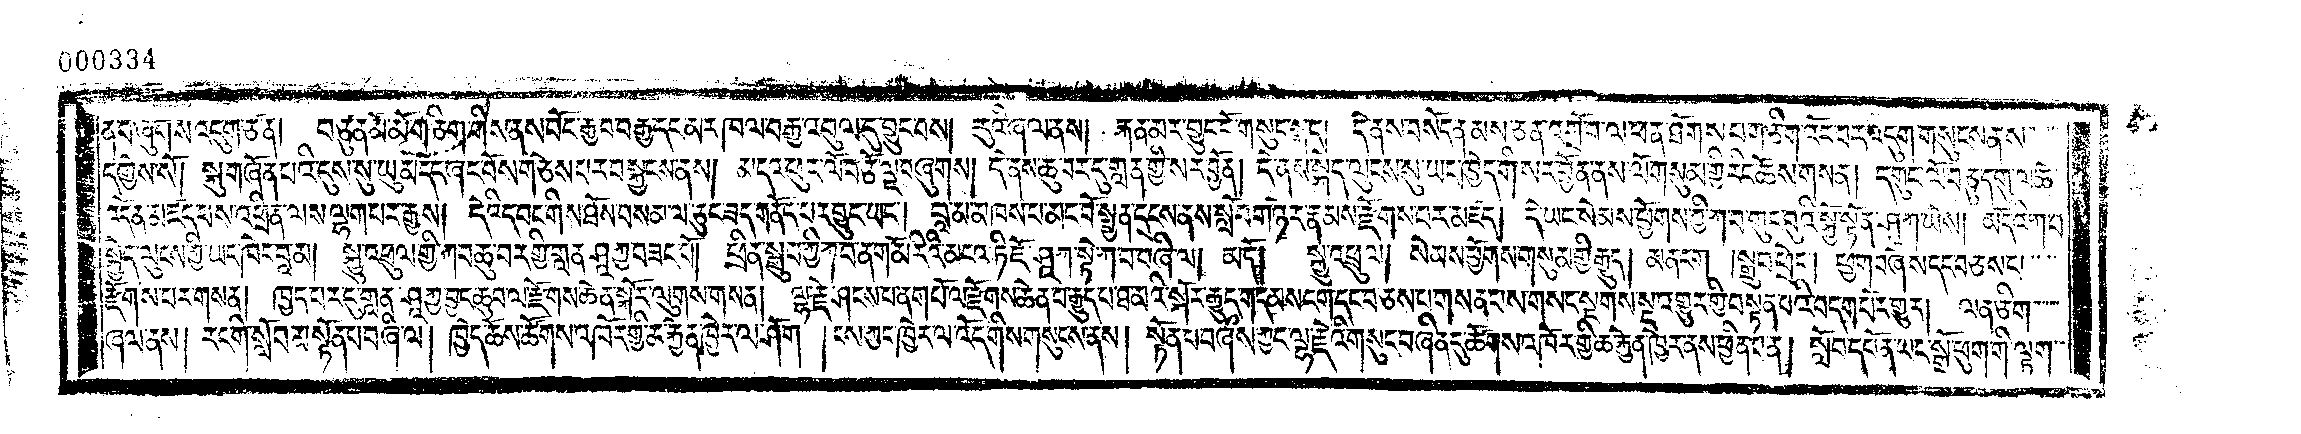ན་བཞུགས་འདུག་ཙ་ན། བཙུན་མ་མོ་གཅིག་གིས་ནས་བོང་རྒྱབ་བརྒྱ་དང་མར་ཁལ་བརྒྱ་འབུལ་དུ་བྱུང་བས། རུའི་ཞལ་ནས། རྐན་མར་བྱུང་ངོ་གསུང་སྐད། དེ་ནས་བསོད་ནམས་ཅན་འགྲོ་བ་ལ་ཕན་ཐོགས་པ་གཅིག་འོད་བར་འདུག་གསུངས་ནས་
དགྱེས་སོ། སྐུ་གཞོན་པའི་དུས་སུ་ཡུམ་དང་ཞང་བོས་གཅེས་པར་བསྐྱངས་ནས། མདའ་ཕུར་ལོ་བཅོ་ལྔ་བཞུགས། དེ་ནས་ཆུ་བར་དུ་གླན་གྱི་སར་བྱོན། དེ་ནས་སྐེད་ལུངས་སུ་ཡང་ཁྱེད་གི་སར་བྱོན་ནས་ལོ་གསུམ་གྱི་རིང་ཆོས་གསན། དགུང་ལོ་བཅུ་དགུ་ལ་ཆེ་
འདོན་མཛད་པས་འཕྲིན་ལས་ལྷག་པར་རྒྱས། དེའི་དབང་གིས་ཐོམ་བསམ་ལ་ཅུང་ཟད་གནོད་པར་བྱུང་ཡང་། བླ་མ་མཁས་པ་མང་པོ་སྤྱན་དྲངས་ནས་སློབ་གཉེར་རྣམས་རྫོགས་པར་མཛད། དེ་ཡང་སེམས་ཕྱོགས་ཀྱི་ཀ་པ་གུང་བུའི་སྐྱོ་སྟོན་ཤཱཀྱ་ཡེས། མདོའི་ཀ་བ་
སྐྱེད་ལུངས་ཀྱི་ཡང་ཁེང་བླ་མ། སྒྱུ་འཕྲུལ་གྱི་ཀ་བ་ཆུ་བར་གྱི་གླན་ཤཱཀྱ་བཟང་པོ། ཕྲིན་སྒྲུབ་ཀྱི་ཀ་བ་ནག་མོ་རིའི་མངའ་ཏི་ཇོ་ཤཱཀྱ་སྟེ་ཀ་བ་བཞི་ལ། མདོ། སྒྱུ་འཕྲུལ། སེམས་ཕྱོགས་གསུམ་གྱི་རྒྱུད། མན་ངག །སྒྲུབ་ཕྲེང་། ཕྱག་བཞེས་དང་བཅས་པ་
རྫོགས་པར་གསན། ཁྱད་པར་དུ་གླན་ཤཱཀྱ་བྱང་ཆུབ་ལ་རྫོགས་ཆེན་སྐོར་ལུགས་གསན། ལྷ་རྗེ་ཤངས་པ་ནག་པོ་ལ་རྫོགས་ཆེན་བརྒྱུད་པ་ཐ་མའི་སྐོར་རྒྱུད་གདམས་ངག་དང་བཅས་པ་གསན་པས་གསང་སྔགས་སྔ་འགྱུར་གྱི་བསྟན་པའི་བདག་པོར་གྱུར། ལན་ཅིག་
ཞལ་ནས། རང་གི་སློབ་མ་སྟོན་པ་བཞི་ལ། ཁྱེད་ཚོས་ཚོགས་འཁོར་གྱི་ཆ་རྐྱེན་ཁྱེར་ལ་ཤོག །ངས་ཀྱང་ཁྱེར་ལ་འོང་གིས་གསུངས་ནས། སྟོན་པ་བཞྀས་ཀྱང་ལྷ་རྗེའི་གསུང་བཞིན་དུ་ཚོགས་འཁོར་གྱི་ཆ་རྐྱེན་ཁྱེར་ནས་ཕྱིན་བ་ན། སློབ་དཔོན་ཡང་སྒྲོ་ཕུག་གི་ལྟག་